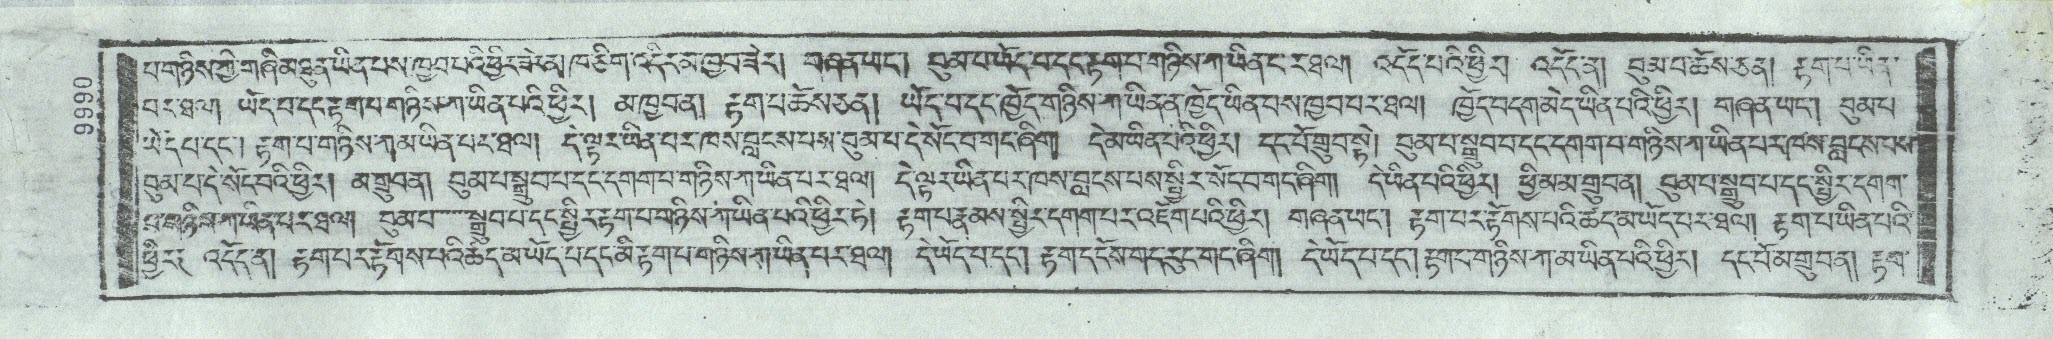པ་གཉིས་ཀྱི་གཞི་མཐུན་ཡིན་པས་ཁྱབ་པའི་ཕྱིར་ཟེར་ན། ཁ་ཅིག་འདིར་མ་ཁྱབ་ཟེར། གཞན་ཡང་། བུམ་པ་ཡོད་པ་དང་རྟག་པ་གཉིས་ཀ་ཡིན་པར་ཐལ། འདོད་པའི་ཕྱིར། འདོད་ན། བུམ་པ་ཆོས་ཅན། རྟག་པ་ཡིན་
པར་ཐལ། ཡོད་པ་དང་རྟག་པ་གཉིས་ཀ་ཡིན་པའི་ཕྱིར། མ་ཁྱབ་ན། རྟག་པ་ཆོས་ཅན། ཡོད་པ་དང་ཁྱོད་གཉིས་ཀ་ཡིན་ན་ཁྱོད་ཡིན་པས་ཁྱབ་པར་ཐལ། ཁྱོད་བདག་མེད་ཡིན་པའི་ཕྱིར། གཞན་ཡང་། བུམ་པ་
ཡོད་པ་དང་། རྟག་པ་གཉིས་ཀ་མ་ཡིན་པར་ཐལ། དེ་ལྟར་ཡིན་པར་ཁས་བླངས་པས་བུམ་པ་དེ་སོང་བ་གང་ཞིག། དེ་མ་ཡིན་པའི་ཕྱིར། དང་པོ་གྲུབ་སྟེ། བུམ་པ་སྒྲུབ་པ་དང་དགག་པ་གཉིས་ཀ་ཡིན་པར་ཁས་བླངས་པས་
བུམ་པ་དེ་སོང་བའི་ཕྱིར། མ་གྲུབ་ན། བུམ་པ་སྒྲུབ་པ་དང་དགག་པ་གཉིས་ཀ་ཡིན་པར་ཐལ། དེ་ལྟར་ཡིན་པར་ཁས་བླངས་པས་སྤྱིར་སོང་བ་གང་ཞིག། དེ་ཡིན་པའི་ཕྱིར། ཕྱི་མ་མ་གྲུབ་ན། བུམ་པ་སྒྲུབ་པ་དང་སྤྱིར་དགག་
པ་གཉིས་ཀ་ཡིན་པར་ཐལ། བུམ་པ་སྒྲུབ་པ་དང་སྤྱིར་རྟག་པ་གཉིས་ཀ་ཡིན་པའི་ཕྱིར་ཏེ། རྟག་པ་རྣམས་སྤྱིར་དགག་པར་འཇོག་པའི་ཕྱིར། གཞན་ཡང་། རྟག་པར་རྟོགས་པའི་ཚད་མ་ཡོད་པར་ཐལ། རྟག་པ་ཡིན་པའི་
ཕྱིར༑ འདོད་ན། རྟག་པར་རྟོགས་པའི་ཚད་མ་ཡོད་པ་དང་མི་རྟག་པ་གཉིས་ཀ་ཡིན་པར་ཐལ། དེ་ཡོད་པ་དང་། རྟག་དངོས་གང་རུང་གང་ཞིག། དེ་ཡོད་པ་དང་། རྟག་པ་གཉིས་ཀ་མ་ཡིན་པའི་ཕྱིར། དང་པོ་མ་གྲུབ་ན། རྟག་